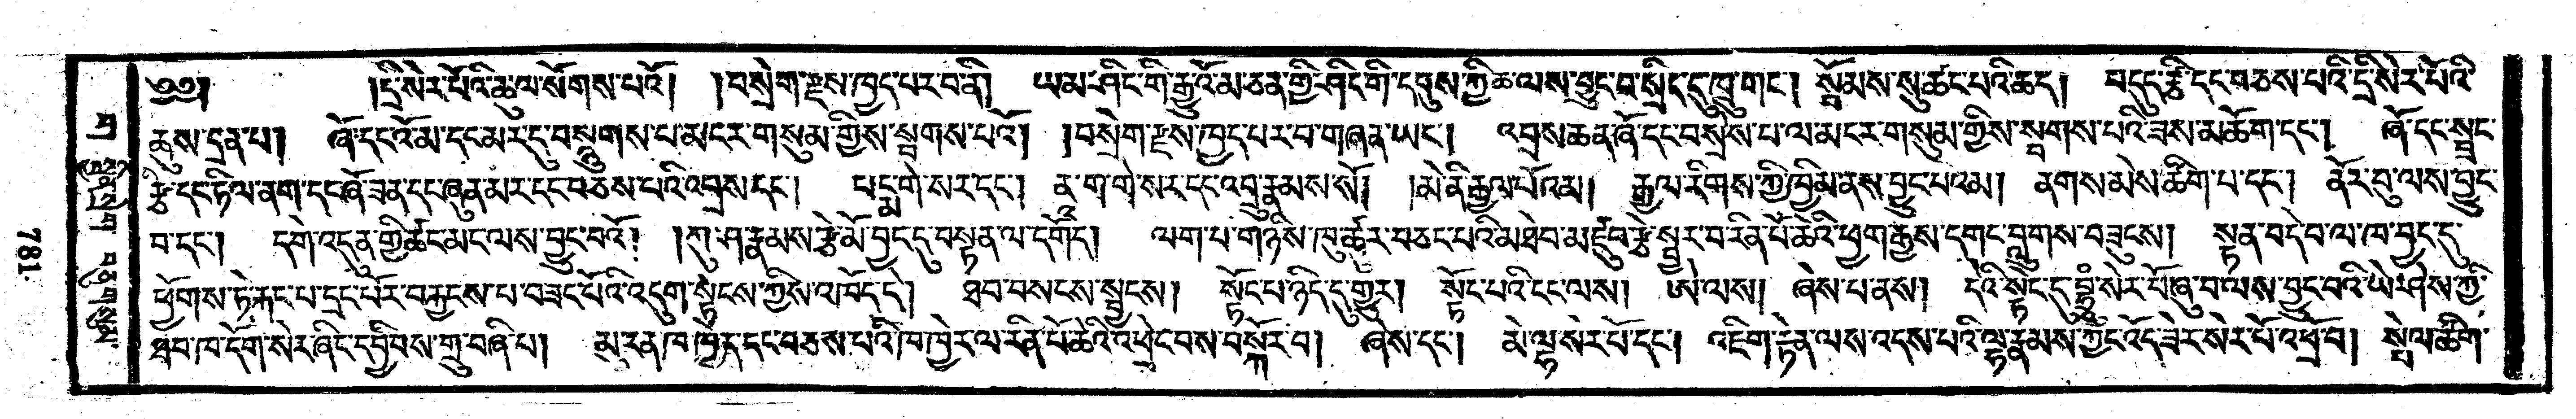༄༅། །དྲི་སེར་པོའི་ཆུ་ལ་སོགས་པའོ། །བསྲེག་རྫས་ཁྱད་པར་བ་ནི། ཡམ་ཤིང་གི་རྒྱུ་འོ་མ་ཅན་གྱི་ཤིང་གི་དབུས་ཀྱི་ཆ་ལས་བྱུང་བ་སྲིད་དུ་ཁྲུ་གང་། སྦོམས་སུ་ཚང་པའི་ཆད། བདུད་རྩི་དང་བཅས་པའི་དྲི་སེར་པོའི་
ཆུས་དྲན་པ། ཞོ་དང་འོ་མ་དང་མར་དུ་བསྙུགས་པ་མངར་གསུམ་གྱིས་སྦགས་པའོ། །བསྲེག་རྫས་ཁྱད་པར་བ་གཞན་ཡང་། འབྲས་ཆན་ཞོ་དང་བསྲེས་པ་ལ་མངར་གསུམ་གྱིས་སྦགས་པའི་ཟས་མཆོག་དང་། ཞོ་དང་སྦྲང་
རྩི་དང་ཏིལ་ནག་དང་ཞོ་ཟན་དང་ཞུན་མར་དང་བཅས་པའི་འབྲས་དང་། པདམ་གེ་སར་དང་། ནཱ་ག་གེ་སར་དང་འབྲུ་རྣམས་སོ། །མེ་ནི་རྒྱལ་པོའམ། རྒྱལ་རིགས་ཀྱི་ཁྱིམ་ནས་བྱུང་པའམ། ནགས་མེས་ཚིག་པ་དང་། ནོར་བུ་ལས་བྱུང་
བ་དང་། དགེ་འདུན་གྱི་ཚང་མང་ལས་བྱུང་བའོ། །ཀུ་ཤ་རྣམས་རྩེ་མོ་བྱང་དུ་བསྟན་ལ་དགོད། ལག་པ་གཉིས་ཁུ་ཚུར་བཅང་པའི་མཐེབ་མཛུབ་རྩེ་སྦྱར་བ་རིན་པོ་ཆེའི་ཕྱག་རྒྱས་དགང་བླུགས་བཟུངས། སྟན་བདེ་བ་ལ་ཁ་བྱང་དུ་
ཕྱོགས་ཏེ་རྐང་པ་དྲང་པོར་བརྐྱངས་པ་བཟང་པོའི་འདུག་སྟེངས་ཀྱིས་འཁོད་དེ། ཐབ་བསངས་སྦྱངས། སྟོང་པ་ཉིད་དུ་གྱུར། སྟོང་པའི་ངང་ལས། ཨེ་ལས། ཞེས་པ་ནས། དེའི་སྟེང་དུ་བྷྲཱུཾ་སེར་པོ་ཞུ་བ་ལས་བྱུང་བའི་ཡེ་ཤེས་ཀྱི་
ཐབ་ཁ་དོག་སེར་ཞིང་དབྱིབས་གྲུ་བཞི་པ། མུ་རན་ཁ་ཁྱེད་དང་བཅས་པའི་ཁ་ཁྱེར་ལ་རིན་པོ་ཆེའི་འཕྲེང་བས་བསྐོར་བ། ཞེས་དང་། མེ་ལྷ་སེར་པོ་དང་། འཇིག་རྟེན་ལས་འདས་པའི་ལྷ་རྣམས་ཀྱང་འོད་ཟེར་སེར་པོ་འཕྲོ་བ། སྤེལ་ཚིག་